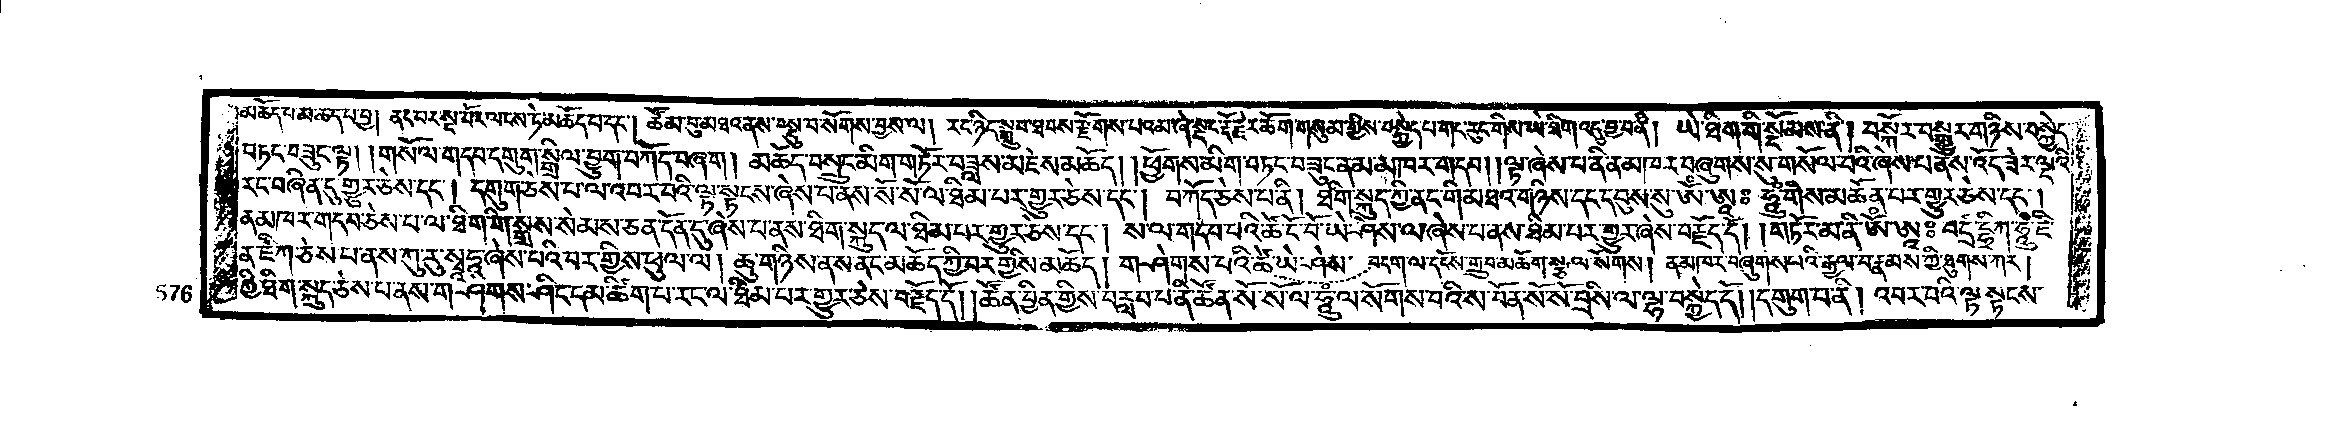མཆོད་པ་མ་ཆད་པ་བྱ། ནང་པར་སྔ་བར་ལངས་ཏེ་མཆོད་པ་དང་། ཚོམ་བུ་མཐའ་ནས་བསྡུ་བ་སོགས་བྱས་ལ། རང་ཉིད་སྒྲུབ་ཐབས་རྫོགས་པའམ་ཞེ་སྡང་རྡོ་རྗེར་ཆོག་གསུམ་གྱིས་བསྐྱེད་པ་གང་རུང་གིས་ཡེ་ཐིག་འདུ་བྱ་བ་ནི། ཡེ་ཐིག་གི་སྡོམས་ནི། བསྐོར་བསྒྱུར་གཉིས་བསྐྱེད་
བཏང་བཟུང་ལྟ། །གསོལ་གདབ་དགུག་སྒྲིལ་བྱུག་བཀོད་བཞག །མཆོད་བསྲུང་མིག་གཏོར་བཟླས་མཛེས་མཆོད། །ཕྱོགས་མིག་བཏང་བཟུང་ནམ་མཁར་གདབ། །ལྟ་ཞེས་པ་ནི་ནམ་མཁར་བཞུགས་སུ་གསོལ་བའི་ཞེས་པ་ནས་འོད་ཟེར་ལྔའི་
རང་བཞིན་དུ་གྱུར་ཅེས་དང་། དགུག་ཅེས་པ་ལ་འབར་བའི་ལྟ་སྟངས་ཞེས་པ་ནས་སོ་སོ་ལ་ཐིམ་པར་གྱུར་ཅེས་དང་། བཀོད་ཅེས་པ་ནི། ཐིག་སྐུད་ཀྱི་ནང་གི་མཐའ་གཉིས་དང་དབུས་སུ་ཨོཾ་ཨཱཿ ཧཱུཾ་གིས་མཚན་པར་གྱུར་ཅེས་དང་།
ནམ་མཁར་གདབ་ཅེས་པ་ལ་ཐིག་གི་སྒྲས་སེམས་ཅན་དོན་དུ་ཞེས་པ་ནས་ཐིག་སྐུད་ལ་ཐིམ་པར་གྱུར་ཅེས་དང་། ས་ལ་གདབ་པའི་ཚེ་ངོ་བོ་ཡེ་ཤེས་ལ་ཞེས་པ་ནས་ཐིམ་པར་གྱུར་ཞེས་བརྗོད་དོ། །གཏོར་མ་ནི་ཨོཾ་ཨཱཿ བྫྲ་དྷྲིཀ་ཧཱུཾ་ཛི་
ན་ཛི་ཀ་ཅེས་པ་ནས་ཀུ་རུ་སྭཱ་ཧཱ་ཞེས་པའི་བར་གྱིས་ཕུལ་ལ། ཆུ་གཉིས་ནས་ནང་མཆོད་ཀྱི་བར་གྱིས་མཆོད། གཤེགས་པའི་ཚེ་ཡེ་ཤེས། བདག་ལ་དངོས་གྲུབ་མཆོག་སྩལ་སོགས། ནམ་མཁར་བཞུགས་པའི་རྒྱལ་བ་རྣམས་ཀྱི་ཐུགས་ཀར།
ཀྱི་ཐིག་སྐུད་ཅེས་པ་ནས་གཤེགས་ཤིང་དམ་ཚིག་པ་རང་ལ་ཐིམ་པར་གྱུར་ཅེས་བརྗོད་དོ། །ཚོན་བྱིན་གྱིས་བརླབ་པ་ནི་ཚོན་སོ་སོ་ལ་ཧཱུཾ་ལ་སོགས་པའི་ས་བོན་སོ་སོ་བྲིས་ལ་ལྷ་བསྐྱེད་དོ། །དགུག་པ་ནི། འབར་བའི་ལྟ་སྟངས་